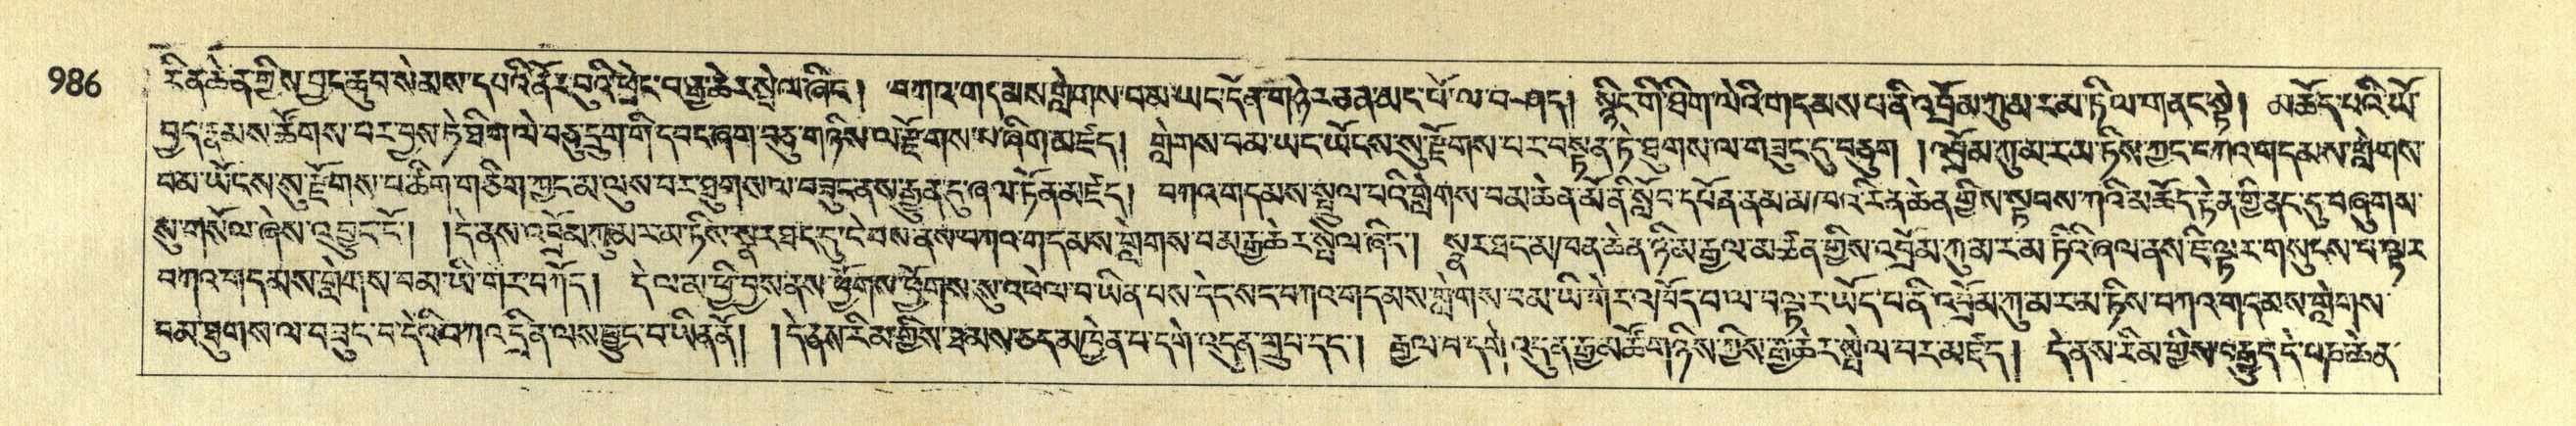རིན་ཆེན་གྱིས་བྱང་ཆུབ་སེམས་དཔའི་ནོར་བུའི་ཕྲེང་བ་རྒྱ་ཆེར་སྤེལ་ཞིང་། བཀའ་གདམས་གླེགས་བམ་ཡང་དོན་གཉེར་ཅན་མང་པོ་ལ་བཤད། སྙིང་གི་ཐིག་ལེའི་གདམས་པ་ནི་འབྲོམ་ཀུ་མ་ར་མ་ཏི་ལ་གནང་སྟེ། མཆོད་པའི་ཡོ་
བྱད་རྣམས་ཚོགས་པར་བྱས་ཏེ་ཐིག་ལེ་བཅུ་དྲུག་གི་དབང་ཞག་བཅུ་གཉིས་ལ་རྫོགས་པ་ཞིག་མཛད། གླེགས་བམ་ཡང་ཡོངས་སུ་རྫོགས་པར་བསྟན་ཏེ་ཐུགས་ལ་གཟུང་དུ་བཅུག །འབྲོམ་ཀུ་མ་ར་མ་ཏིས་ཀྱང་བཀའ་གདམས་གླེགས་
བམ་ཡོངས་སུ་རྫོགས་པ་ཚིག་གཅིག་ཀྱང་མ་ལུས་པར་ཐུགས་ལ་བཟུང་ནས་རྒྱུན་དུ་ཞལ་ཏོན་མཛད། བཀའ་གདམས་སྤྲུལ་པའི་གླེགས་བམ་ཆེན་མོ་ནི་སློབ་དཔོན་ནམ་མཁའ་རིན་ཆེན་གྱིས་སྟབས་ཀའི་མཆོད་རྟེན་གྱི་ནང་དུ་བཞུགས་
སུ་གསོལ་ཞེས་འབྱུང་ངོ། །དེ་ནས་འབྲོམ་ཀུ་མར་མ་ཏིས་སྣར་ཐང་དུ་ངེས་ནས་བཀའ་གདམས་གླེགས་བམ་རྒྱ་ཆེར་སྤེལ་ཞིང་། སྣར་ཐང་མཁན་ཆེན་གྱི་མ་རྒྱལ་མཚན་གྱིས་འབྲོམ་ཀུ་མ་ར་མ་ཏིའི་ཞལ་ནས་ཇི་ལྟར་གསུངས་པ་ལྟར་
བཀའ་གདམས་གླེགས་བམ་ཡི་གོར་བཀོད། དེལ་མ་ཕྱི་བྱས་ནས་ཕྱོགས་ཕྱོགས་སུ་འཕེལ་བ་ཡིན་པས་དེང་སང་བཀའ་གདམས་གླེགས་བམ་ཡི་གེར་འཁོད་པ་ལ་བལྟར་ཡོད་པ་ནི་འབྲོམ་ཀུན་མ་ར་མ་ཏིས་བཀའ་གདམས་གླེགས་
བམ་ཐུགས་ལ་བཟུང་བ་དེའི་བཀའ་དྲིན་ལས་བྱུང་བ་ཡིན་ནོ། །དེ་ནས་རིམ་གྱིས་ཐམས་ཅད་མཁྱེན་པ་དགེ་འདུན་གྲུབ་དང་། རྒྱལ་བ་དགེ་འདུན་རྒྱ་མཚོ་གཉིས་ཀྱིས་རྒྱ་ཆེར་སྤེལ་བར་མཛད། དེ་ནས་རིམ་གྱིས་བརྒྱུད་དེ་པཎ་ཆེན་